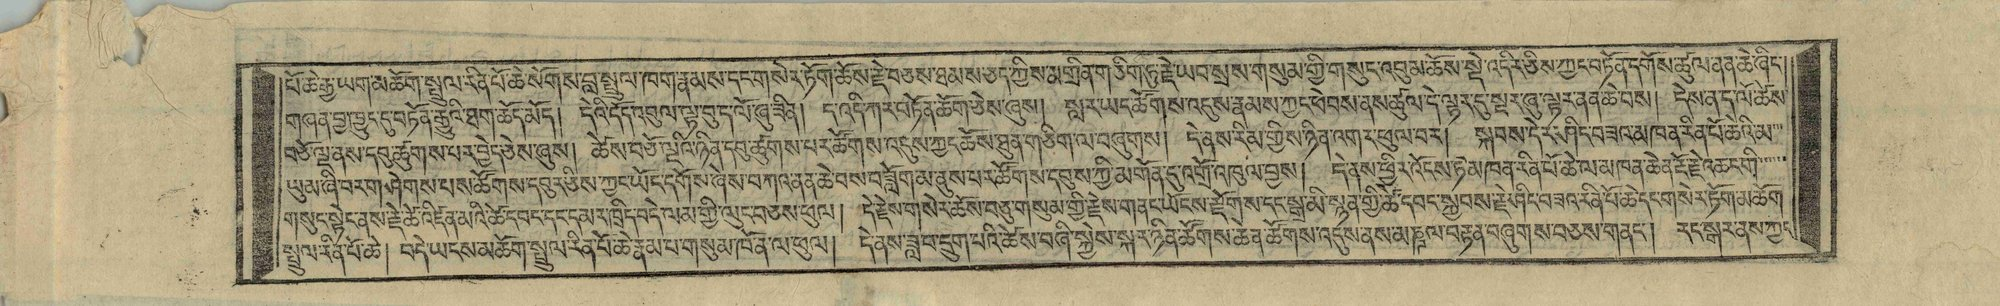པོ་ཆེ་རྒྱ་ཡག་མཆོག་སྤྲུལ་རིན་པོ་ཆེ་སོགས་བླ་སྤྲུལ་ཁག་རྣམས་དང་གསེར་ཏོག་ཆོས་རྗེ་བཅས་ཐམས་ཅད་ཀྱིས་མགྲིན་གཅིག་ཏུ་རྗེ་ཡབ་སྲས་གསུམ་གྱི་གསུང་འབུམ་ཆོས་སྡེ་འདིར་ཅིས་ཀྱང་བཏོན་དགོས་ཚུལ་ནན་ཆེ་ཞིང་།
གཞན་བྱ་ཁྱུང་དུ་བཏོན་རྒྱུའི་ཐག་ཆོད་མོད། དེའི་དོད་འབུལ་ལྟ་བུ་ད་ལོ་ཞུ་ཟིན། ད་འདི་ཀར་བཏོན་ཆོག་ཅེས་ཞུས། སླར་ཡང་ཚོགས་འདུས་རྣམས་ཀྱང་ཕེབས་ནས་ཚུལ་དེ་ལྟར་དུ་སྔར་ཞུ་ལྟར་ནན་ཆེ་བས། དེས་ན་ད་ལོ་ཚེས་
བཅོ་ལྔ་ནས་དབུ་ཚུགས་པར་བྱེད་ཅེས་ཞུས། ཚེས་བཅོ་ལྔའི་ཉིན་དབུ་ཚུགས་པར་ཚོགས་འདུས་ཀྱང་ཆོས་ཐུན་གཅིག་ལ་བཞུགས། དེ་ནས་རིམ་གྱིས་ཉིན་འགར་ཕུལ་བར། སྐབས་དེར་ཤིང་བཟའ་མཁན་རིན་པོ་ཆེའི་མ་
ཡུམ་ཞི་བར་གཤེགས་པས་ཚོགས་དབུར་ཅིས་ཀྱང་ཡོང་དགོས་ཞེས་བཀའ་ནན་ཆེ་བས་བཟློག་མ་ནུས་པར་ཚོགས་དབུས་ཀྱི་མགོན་དུ་འགྲོ་འཁུལ་བྱས། དེ་ནས་ཕྱིར་འོངས་ཏེ་མཁན་རིན་པོ་ཆེ་ལ་མཁན་ཆེན་རྡོ་རྗེ་འཆང་གི་
གསུང་སྟེང་ནས་རྗེ་ཚེ་འཛིན་མའི་ཚེ་དབང་དང་དམར་ཁྲིད་བདེ་ལམ་གྱི་ལུང་བཅས་ཕུལ། དེ་རྗེས་གསེར་ཆོས་བཅུ་གསུམ་གྱི་རྗེས་གནང་ཡོངས་རྫོགས་དང་སྒྲ་མི་སྙན་གྱི་ཚེ་དབང་སྐྱབས་རྗེ་ཤིང་བཟའ་རིན་པོ་ཆེ་དང་གསེར་ཏོག་མཆོག་
སྤྲུལ་རིན་པོ་ཆེ། བདེ་ཡངས་མཆོག་སྤྲུལ་རིན་པོ་ཆེ་རྣམ་པ་གསུམ་ཁོ་ན་ལ་ཕུལ། དེ་ནས་ཟླ་བ་དྲུག་པའི་ཚེས་བཞི་སྐྱེས་སྐར་ཉིན་ཚོགས་ཆེན་ཚོགས་འདུས་ནས་མཎྜལ་བརྟན་བཞུགས་བཅས་གནང་། རང་སྒར་ནས་ཀྱང་